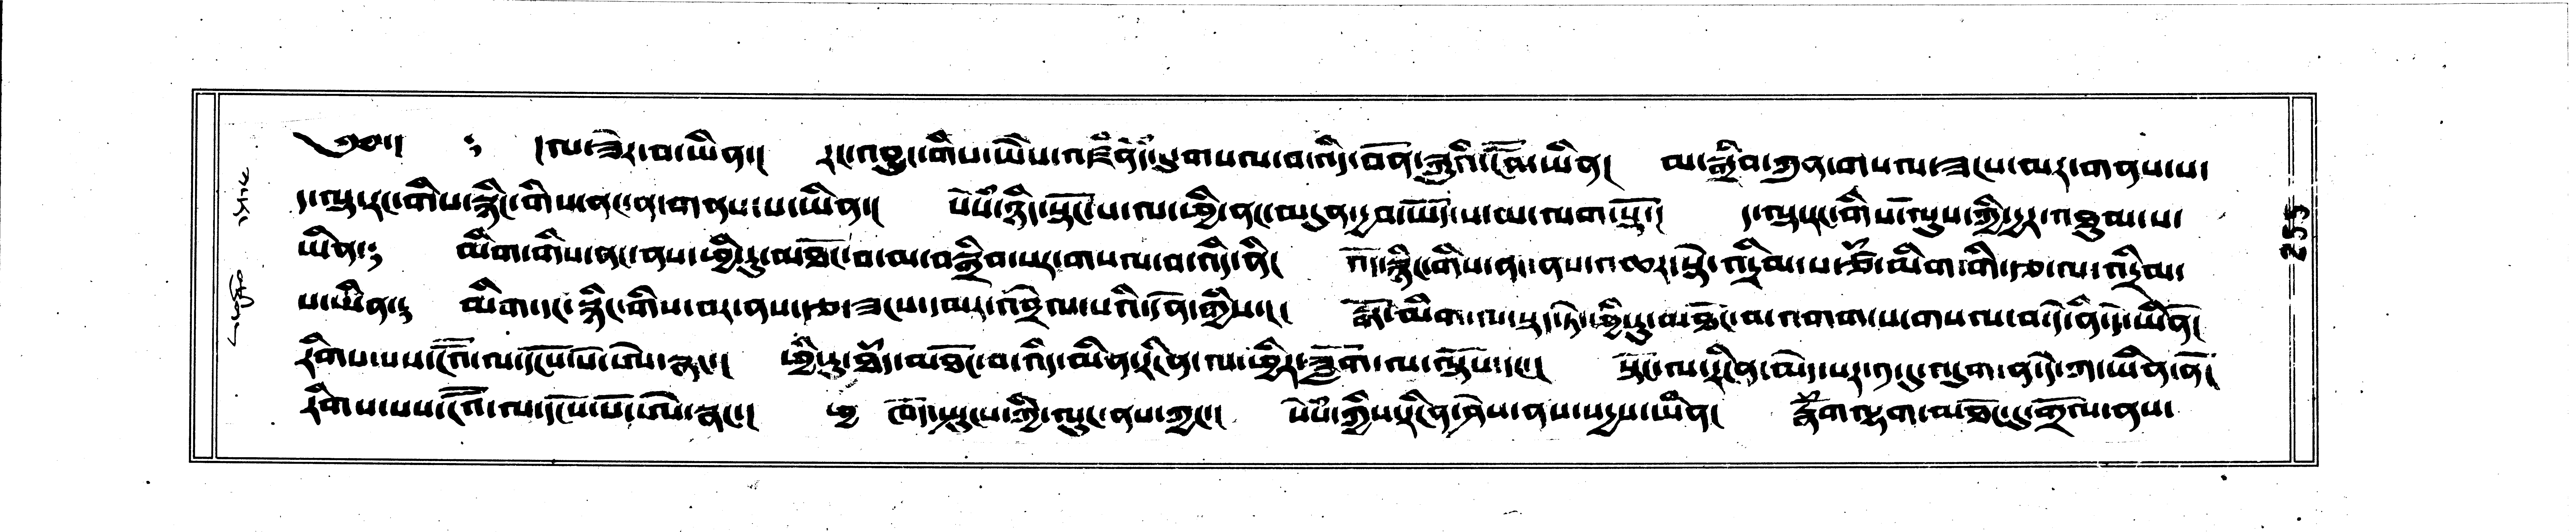པ་ལ་ཟེར་བ་ཡིན། རང་འབྱུང་ཡེ་ཤེས་འཛིན་མེད་དུ་གསལ་བ་འདི་བོན་སྐུའི་ངོའོ་ཡིན། མ་སྒྲིབ་ཀུན་གསལ་ཟང་མར་གནས་པ། 
ད་ལྟ་རང་གིས་སྙིང་གིས་ནང་ན་གནས་པ་ཡིན། སེམས་ཉིད་སྟོང་པ་ལ་ཕྱི་ནང་མདུན་རྒྱབ་ཡོད་པ་མ་ལགས་སྟེ། ད་ལྟ་རང་གི་ལུས་ཀྱི་རྒྱར་འཐུམ་པ་
ཡིན་ནོ། མིག་གིས་ནང་ནས་ཕྱི་རུ་མཐོང་པ་མ་སྒྲིབ་པར་གསལ་བ་འདི་ནི། འོད་སྙིང་གིས་ནང་ནས་འཆར་ཏེ་འདྲིམ་པ་ཙམ་མིག་གིས་རྩ་ལ་འདྲིམ་
པ་ཡིན་ནོ། མིག་དང་སྙིང་གི་བར་ན་རྩ་ཟང་མར་འབྲེལ་ནས་ཡོད་པའི་དོན་གྱིས། སྒོ་མིག་ལ་དོད་སྟེ་ཕྱི་རུ་མཐོང་པ་མ་འགགས་པར་གསལ་བ་དེ་ཡིན་ནོ། 
རིག་པའི་དངོས་པོ་ལ་ངོའོ་ཨེ་སྣང་། ཕྱི་རུ་མཐོང་པ་ཐམས་ཅད་འདིའི་རང་བཞིན་ལ་ཕྱིར་ཟློག་ལ་ལྟོས་དང་། སྟོང་ལ་རང་བཞིན་མེད་པ་གཅིག་འདུག་ན་དོན་ནི་
དེ་ཀ་ཡིན། ཁོད་སྤུངས་ཀྱིས་ལུང་ནས། སེམས་ཀྱིས་རང་བཞིན་ཤེས་ན་སངས་རྒྱས་ཡིན། རྣམ་རྟོག་ལྷག་མཐོང་དུ་གྲོལ་ན་